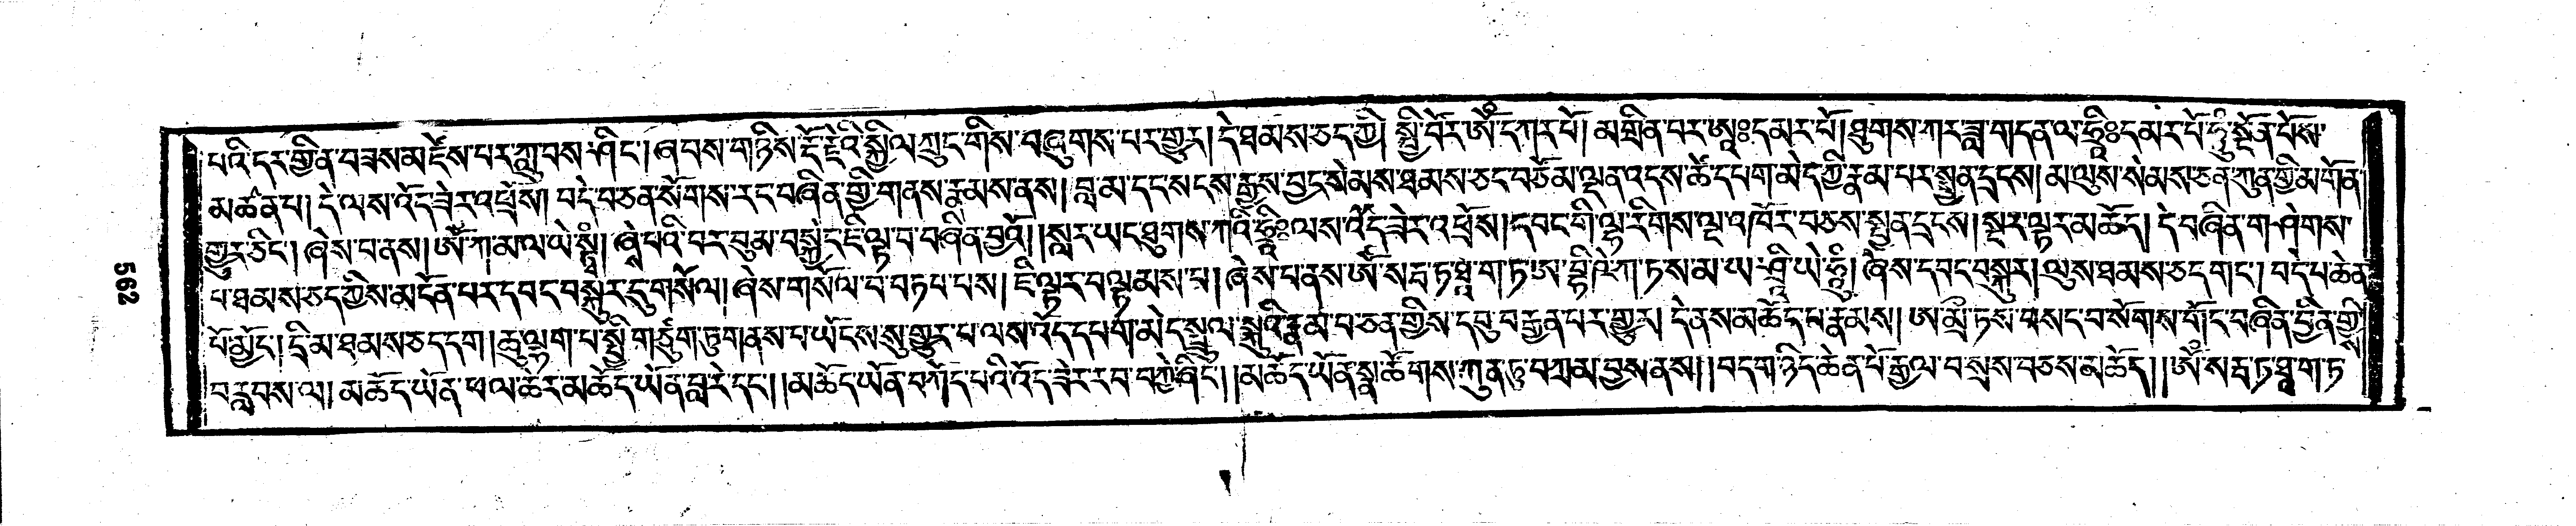པའི་དར་གྱི་ན་བཟས་མཛེས་པར་ཀླུབས་ཤིང་། ཞབས་གཉིས་རྡོ་རྗེའི་སྐྱིལ་ཀྲུང་གིས་བཞུགས་པར་གྱུར། དེ་ཐམས་ཅད་ཀྱི། སྤྱི་བོར་ཨོཾ་དཀར་པོ། མགྲིན་པར་ཨཱཿ དམར་པོ། ཐུགས་ཀར་ཟླ་གདན་ལ་ཧྲཱིཿ དམར་པོའི་སྔོན་པོས་
མཚན་པ། དེ་ལས་འོད་ཟེར་འཕྲོས། བདེ་བ་ཅན་སོགས་རང་བཞིན་གྱི་གནས་རྣམས་ནས། བླ་མ་དང་སངས་རྒྱས་བྱང་སེམས་ཐམས་ཅད་བཅོམ་ལྡན་འདས་ཚེ་དཔག་མེད་ཀྱི་རྣམ་པར་སྤྱན་དྲངས། མ་ལུས་སེམས་ཅན་ཀུན་གྱི་མགོན་
གྱུར་ཅིང་། ཞེས་པ་ནས། ཨོཾ་ཀ་མ་ལ་ཡེ་སྟྭཾ། ཞེས་པའི་བར་བུམ་བསྐྱེད་ཇི་ལྟ་བ་བཞིན་བྱའོ། །སླར་ཡང་ཐུགས་ཀའི་ཧྲཱིཿ ལས་འོད་ཟེར་འཕྲོས། དབང་གི་ལྷ་རིགས་ལྔ་འཁོར་བཅས་སྤྱན་དྲངས། སྔར་ལྟར་མཆོད། དེ་བཞིན་གཤེགས་
པ་ཐམས་ཅད་ཀྱིས་མངོན་པར་དབང་བསྐུར་དུ་གསོལ། ཞེས་གསོལ་བ་བཏབ་པས། ཇི་ལྟར་བལྟམས་པ། ཞེས་པ་ནས་ཨོཾ་སརྦ་ཏ་ཐཱ་ག་ཏ་ཨ་བྷི་ཥེ་ཀ་ཏ་ས་མ་ཡ་ཤྲཱི་ཡེ་ཧཱུཾ། ཞེས་དབང་བསྐུར། ལུས་ཐམས་ཅད་གང་། བདེ་བ་ཆེན་
པོ་མྱོང་། དྲི་མ་ཐམས་ཅད་དག །ཆུ་ལྷག་པ་སྤྱི་གཙུག་ཏུ་གནས་པ་ཡོངས་སུ་གྱུར་པ་ལས་འོད་དཔག་མེད་སྤྲུལ་སྐུའི་རྣམ་པ་ཅན་གྱིས་དབུ་བ་རྒྱན་པར་གྱུར། དེ་ནས་མཆོད་པ་རྣམས། ཨ་མྲྀ་ཏས་བསང་བ་སོགས་གོང་བཞིན་བྱིན་གྱི་
བརླབས་ལ། མཆོད་ཡོན་ཕལ་ཆེར་མཆོད་ཡོན་བླ་རེ་དང་། །མཆོད་ཡོན་བཀོད་པའི་འོད་ཟེར་རབ་བཀྱེ་ཞིང་། །མཆོད་ཡོན་སྣ་ཚོགས་ཀུན་ཏུ་བཀྲམ་བྱས་ནས། །བདག་ཉིད་ཆེན་པོ་རྒྱལ་བ་སྲས་བཅས་མཆོད། །ཨོཾ་སརྦ་ཏ་ཐཱ་ག་ཏ་